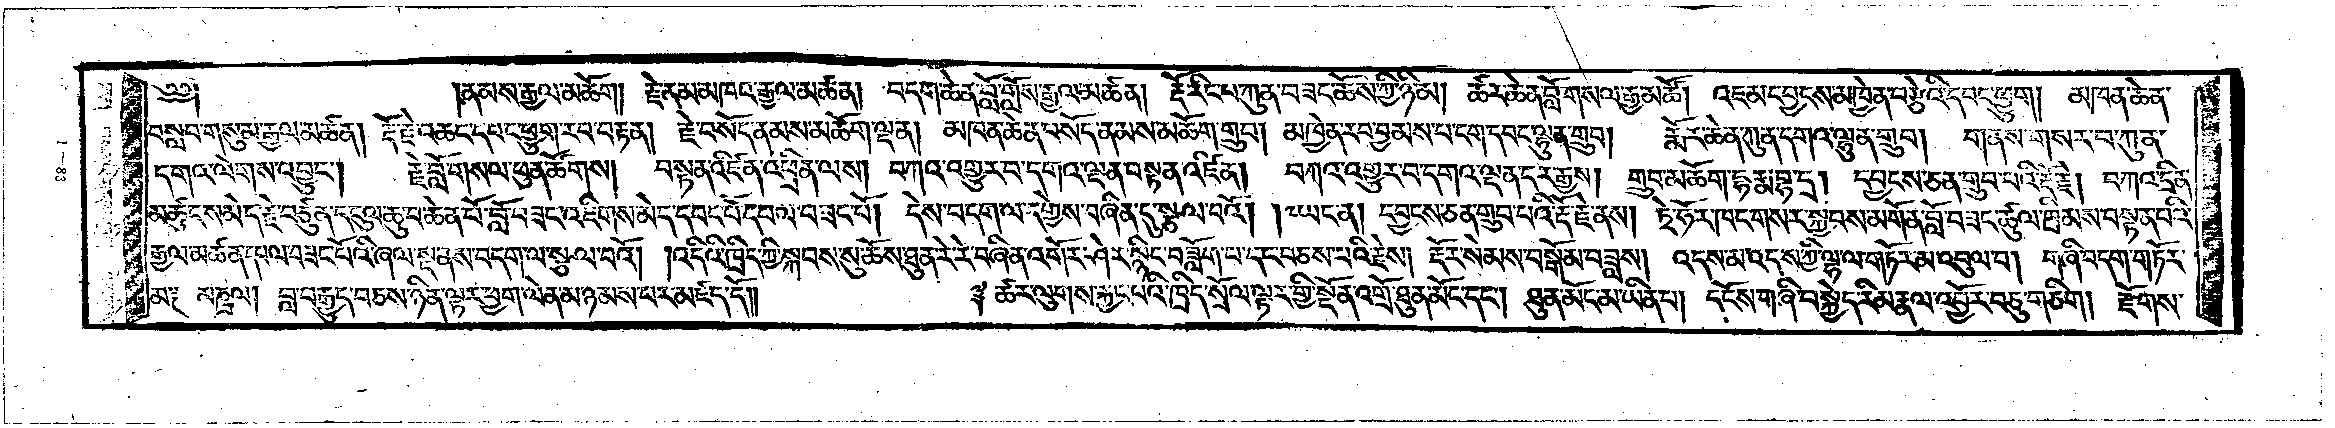༄༅། །ནམས་རྒྱལ་མཆོག། རྗེ་ནམ་མཁའ་རྒྱལ་མཚན། བདག་ཆེན་བློ་གློས་རྒྱལ་མཚན། རྡོ་རིང་པ་ཀུན་བཟང་ཆོས་ཀྱི་ཉི་མ། ཚར་ཆེན་བློ་གསལ་རྒྱ་མཚོ། འཇམ་དབྱངས་མཁྱེན་བརྩེའི་དབང་ཕྱུག། མཁན་ཆེན་
བསླབ་གསུམ་རྒྱལ་མཚན། རྡོ་རྗེ་འཆང་དབང་ཕྱུག་རབ་བརྟན། རྗེ་བསོད་ནམས་མཆོག་ལྡན། མཁན་ཆེན་བསོད་ནམས་མཆོག་གྲུབ། མཁྱེན་རབ་བྱམས་པ་ངག་དབང་ལྷུན་གྲུབ། རྨོར་ཆེན་ཀུན་དགའ་ལྷུན་གྲུབ། གནས་གསར་བ་ཀུན་
དགེ་ལེགས་འབྱུང་། རྗེ་བློ་གསལ་ཕུན་ཚོགས། བསྟན་འཛིན་འཕྲིན་ལས། བཀའ་འགྱུར་བ་དགའ་ལྡན་བསྟན་འཛིན། བཀའ་འགྱུར་བ་དགའ་ལྡན་དར་རྒྱས། གྲུབ་མཆོག་དྷརྨ་བྷ་དྲ། དབྱངས་ཅན་གྲུབ་པའི་རྡོ་རྗེ། བཀའ་དྲིན་
མཚུངས་མེད་རྗེ་བཙུན་དངུལ་ཆུ་བ་ཆེན་པོ་བློ་བཟང་འཇིགས་མེད་དབང་པོ་དཔལ་བཟང་པོ། དེས་བདག་ལ་དགྱེས་བཞིན་དུ་སྩལ་བའོ། །༧ཡང་ན། དབྱངས་ཅང་རུབ་པའི་རྡོ་རྗེ་ནས། ཏྲེ་ཧོར་ཁང་གསར་སྐྱབས་མགོན་བློ་བཟང་ཚུལ་ཁྲིམས་བསྟན་པའི་
རྒྱལ་མཚན་དཔལ་བཟང་པོའི་ཞལ་སྔ་ནས་བདག་ལ་སྩལ་བའོ། །འདིའི་ཁྲིད་ཀྱི་སྐབས་སུ་ཆོས་ཐུན་རེ་རེ་བཞིན་འགོར་ཤེར་སྙིང་བཟློག་པ་དང་བཅས་པའི་རྗེས། རྡོར་སེམས་བསྒོམ་བཟླས། འདས་མ་འདས་ཀྱི་ལྷ་ལ་གཏོར་མ་འབུལ་བ། གཞི་བདག་གཏོར་
མ༑ མཎྜལ། བླ་བརྒྱུད་བཅས་ཉིན་ལྟར་ཕྱག་ལེན་མ་ཉམས་པར་མཛད་དོ།། འ་ཚར་ལུགས་རྐྱང་པའི་ཁྲིད་སྲོལ་ལྟར་གྱི་སྔོན་འགྲོ་ཐུན་མོང་དང་། ཐུན་མོང་མ་ཡིན་པ། དངོས་གཞི་བསྐྱེད་རིམ་རྣལ་འབྱོར་བཅུ་གཅིག། རྫོགས་